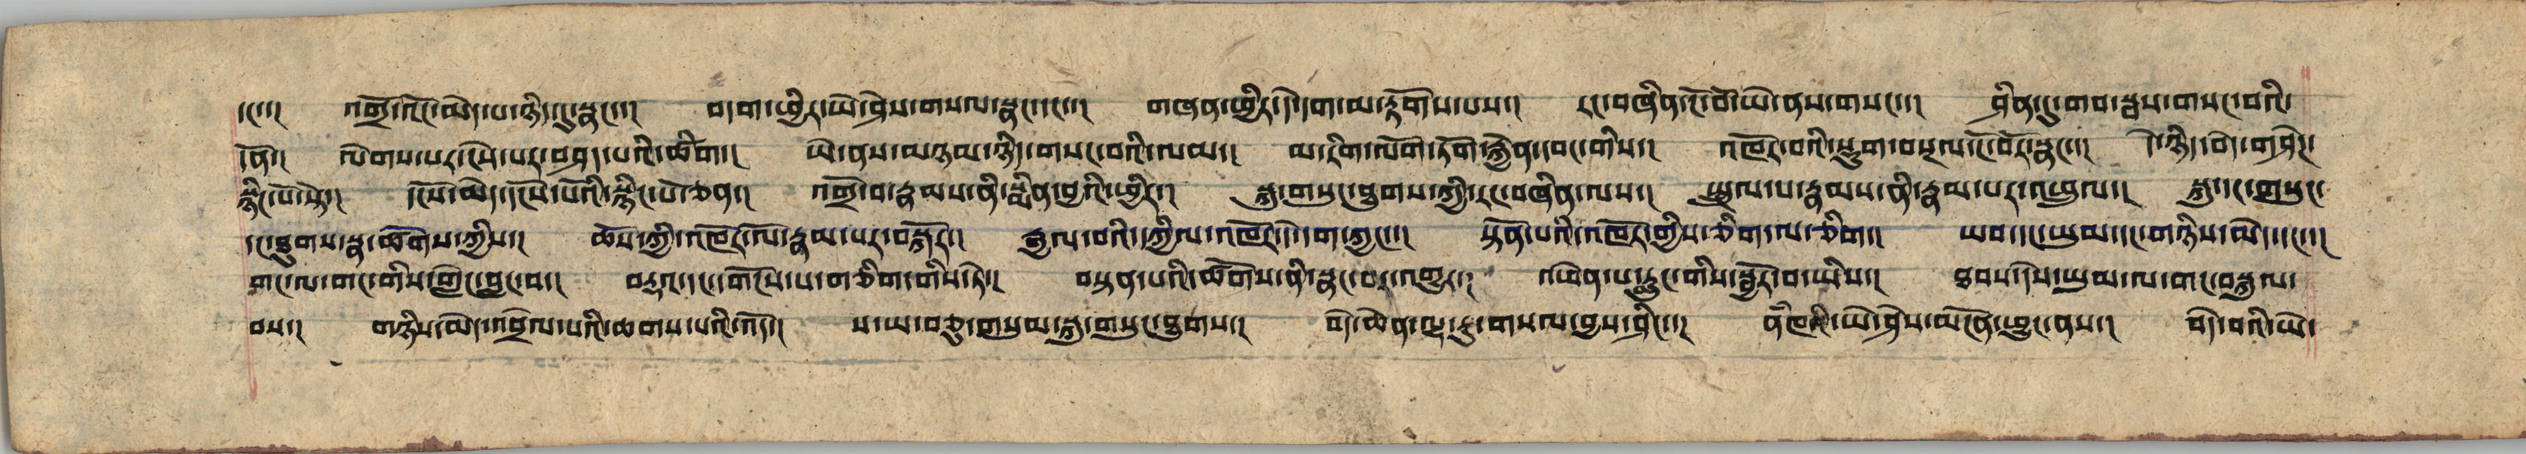དང་་། འགྲོ་འོང་མེད་པ་ཉིད་དུ་སྣང་་། བདག་ཕྱིར་ཡེ་ཤེས་གསལ་སྣང་དང་་། གཞན་ཕྱིར་དེ་དག་མ་རྟོགས་པས་། རང་བཞིན་ངོ་བོ་ཡེ་ནས་གསང་་། ཤིན་དུ་གབ་སྦས་གསང་བའི་
དོན་། ལེགས་པར་ངེས་པར་བཤད་པའི་ཚིག་། ཡེ་ནས་མཉམ་ཉིད་གསང་བའི་ལམ་། མ་རིག་ལོག་ཏོག་རྐྱེན་དབང་གིས་། འཁོར་བའི་སྡུག་བསྔལ་ངོ་བོར་སྣང་་། དེ་ཉིད་བདེ་གཤེཌ་
སྙིང་པོ་སྟེ་། དངོས་མེད་དངོས་པོའི་སྙིང་པོ་ཅན་། འགྲོ་བ་རྣམས་ནི་སྨིན་བྱའི་ཕྱིར་། སྐུ་གསུང་ཐུགས་ཀྱི་རང་བཞིན་ལས་། སྤྲུལ་པ་རྣམས་ནི་རྣམ་པར་འཕྲུལ་། སྐུ་དང་གསུང་
དང་ཐུགས་སྣ་ཚོགས་ཀྱིས་། ཆོས་ཀྱི་འཁོར་ལོ་རྣམ་པར་བསྐོར་། རྒྱལ་བའི་དཀྱིལ་འཁོར་དེ་དག་ཀྱང་་། སྟོན་པའི་འཁོར་གྱིས་ཅིག་ལ་ཅིག་། ཡབ་དང་ཡུམ་དང་གཉིས་མེད་དང་་།
གང་ལ་གང་གིས་གླེང་བླང་བ་། བརྡའ་དང་དགོངས་པ་གཅིག་གིས་ཏེ་། བསྟན་པའི་ཚོགས་ནི་སྣང་བར་འགྱུར་། འཕེན་པ་རླུང་གིས་སྦྱོར་བ་ཡིས་། ཐབས་དེས་ཡུམ་ལ་གང་བསྐུལ་
བས་། གཉིས་མེད་འབྲེལ་པའི་ཆགས་པའི་འོད་། ས་ཡ་བཅུ་གསུམ་སྐུ་གསུང་ཐུགས་། བདེ་ཆེན་ལྷ་རུ་གསལ་བྱས་ཤིང་་། ནཾཁའི་ཡེ་ཤེས་མངོན་ཕྱུང་ནས་། བདེ་བའི་ཡེ་